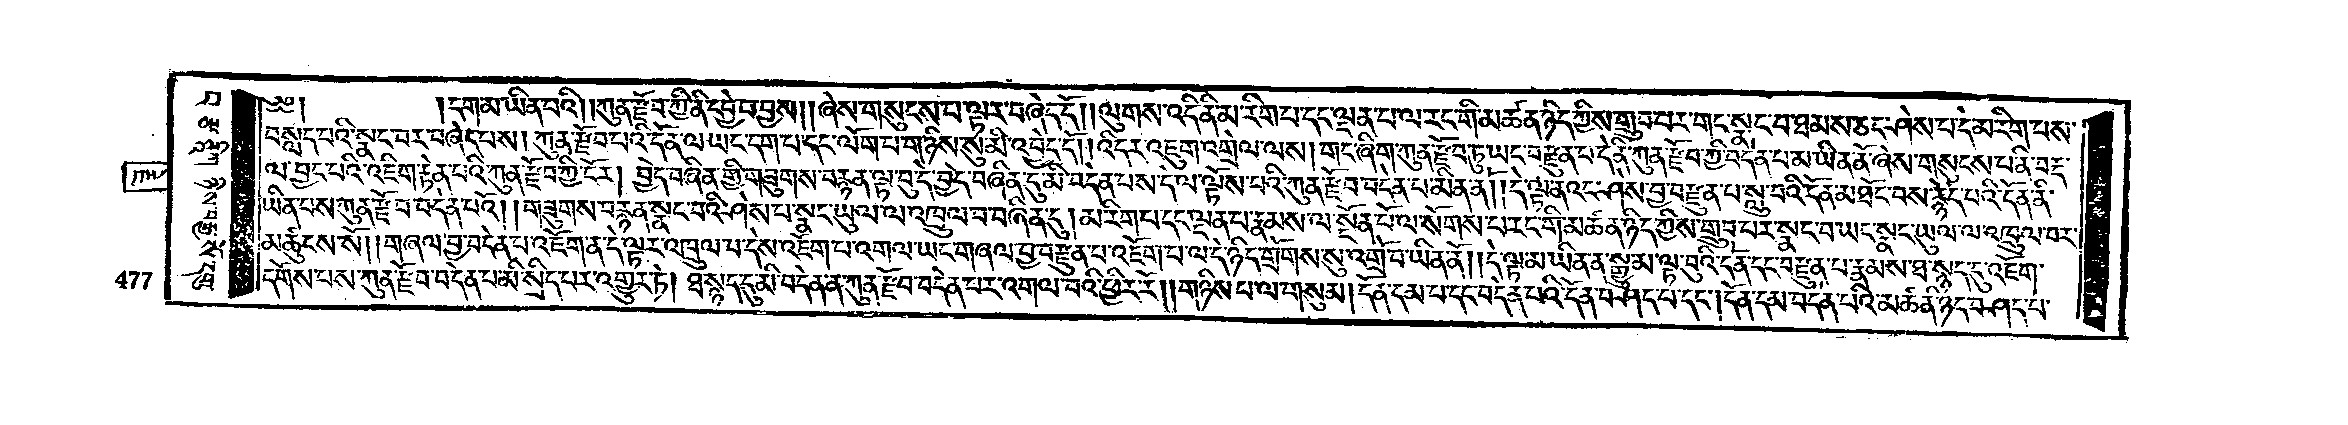༄༅། །དག་མ་ཡིན་པའི། །ཀུན་རྫོབ་གྱི་ནི་དབྱེ་བ་བྱས། །ཞེས་གསུངས་པ་ལྟར་བཞེད་དོ། །ལུགས་འདི་ནི་མ་རིག་པ་དང་ལྡན་པ་ལ་རང་གི་མཚན་ཉིད་ཀྱིས་གྲུབ་པར་གང་སྣང་བ་ཐམས་ཅད་ཤེས་པ་དེ་མ་རིག་པས་
བསླད་པའི་སྣང་བར་བཞེད་པས། ཀུན་རྫོབ་པའི་དོན་ལ་ཡང་དག་པ་དང་ལོག་པ་གཉིས་སུ་མི་འབྱེད་དོ། །འདིར་འཇུག་འགྲེལ་ལས། གང་ཞིག་ཀུན་རྫོབ་ཏུ་ཡང་བརྫུན་པ་དེ་ནི་ཀུན་རྫོབ་ཀྱི་བདེན་པ་མ་ཡིན་ནོ་ཞེས་གསུངས་པ་ནི་བརྡ་
ལ་བྱང་པའི་འཇིག་རྟེན་པའི་ཀུན་རྫོབ་ཀྱི་ངོར། བྱད་བཞིན་གྱི་གཟུགས་བརྙན་ལྟ་བུ་དེ་བྱད་བཞིན་དུ་མི་བདེན་པས་དེ་ལ་ལྟོས་པའི་ཀུན་རྫོབ་བདེན་པ་མིན་ནོ། དེ་ལྟ་ནའང་ཤེས་བྱ་བརྫུན་པ་སླུ་བའི་དོན་མཐོང་བས་རྙེད་པའི་དོན་ནི་
ཡིན་པས་ཀུན་རྫོབ་བདེན་པའོ། །གཟུགས་བརྙན་སྣང་བའི་ཤེས་པ་སྣང་ཡུལ་ལ་འཁྲུལ་བ་བཞིན་དུ། མ་རིག་པ་དང་ལྡན་པ་རྣམས་ལ་སྔོན་པོ་ལ་སོགས་པ་རང་གི་མཚན་ཉིད་ཀྱིས་གྲུབ་པར་སྣང་བ་ཡང་སྣང་ཡུལ་ལ་འཁྲུལ་བར་
མཚུངས་སོ། །གཞལ་བྱ་བདེན་པ་འཇོག་ན་དེ་ལྟར་འཁྲུལ་པ་དེས་འཇོག་པ་འགལ་ཡང་གཞལ་བྱ་བརྫུན་པ་འཇོག་པ་ལ་དེ་ཉིད་གྲོགས་སུ་འགྲོ་བ་ཡིན་ནོ། །དེ་ལྟ་མ་ཡིན་ན་སྒྱུ་མ་ལྟ་བུའི་དོན་དང་བརྫུན་པ་རྣམས་ཐ་སྙད་དུ་འཇོག་
དགོས་པས་ཀུན་རྫོབ་བདེན་པ་མི་སྲིད་པར་འགྱུར་ཏེ། ཐ་སྙད་དུ་མི་བདེན་ན་ཀུན་རྫོབ་བདེན་པར་འགལ་བའི་ཕྱིར་རོ། །གཉིས་པ་ལ་གསུམ། དོན་དམ་པ་དང་བདེན་པའི་དོན་བཤད་པ་དང་། དོན་དམ་བདེན་པའི་མཚན་ཉིད་བཤད་པ་